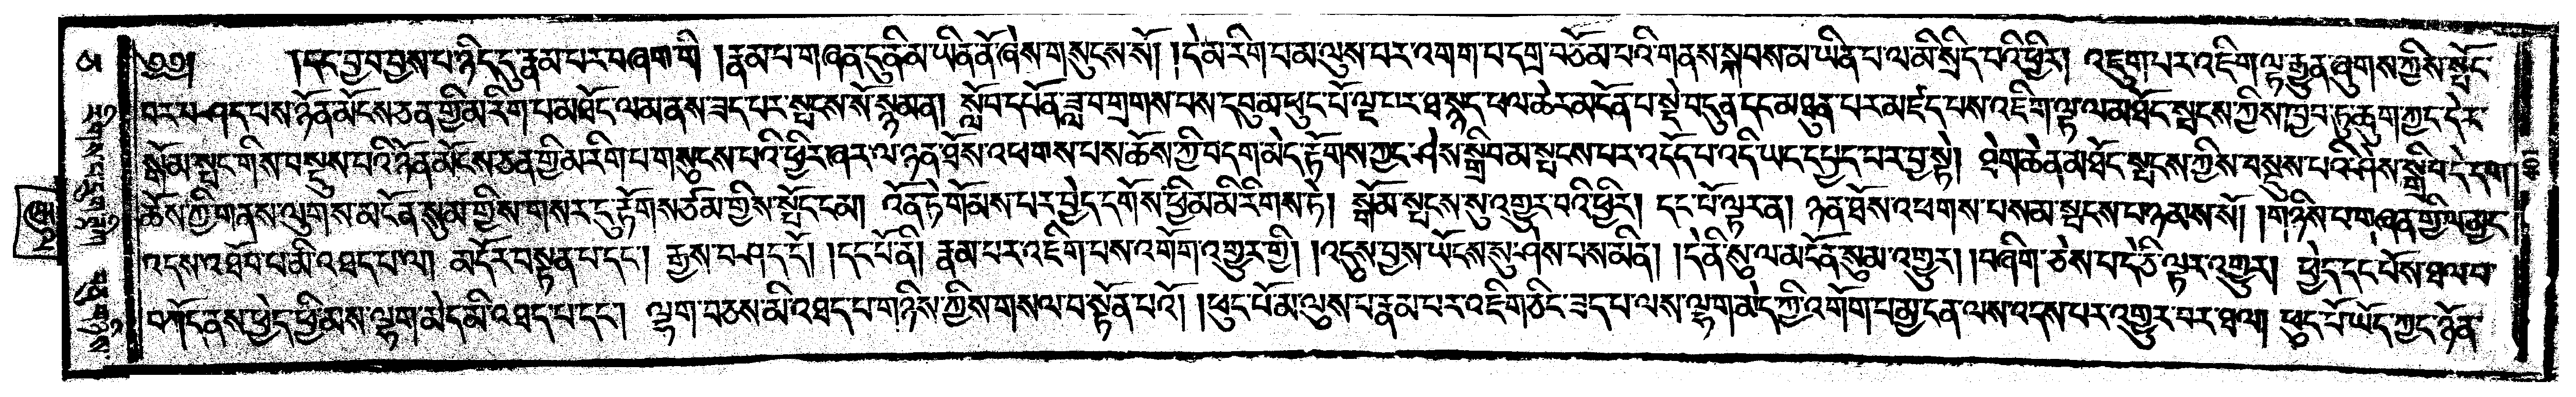༄༅། །དང་བྱ་བ་བྱས་པ་ཉིད་དུ་རྣམ་པར་བཞག་གི །རྣམ་པ་གཞན་དུ་ནི་མ་ཡིན་ནོ་ཞེས་གསུངས་སོ། །དེ་མ་རིག་པ་མ་ལུས་པར་འགག་པ་དགྲ་བཅོམ་པའི་གནས་སྐབས་མ་ཡིན་པ་ལ་མི་སྲིད་པའི་ཕྱིར། འཇུག་པར་འཇིག་ལྟ་རྒྱུན་ཞུགས་ཀྱིས་སྤོང་
བར་བཤད་པས་ཉོན་མོངས་ཅན་གྱི་མ་རིག་པ་མཐོང་ལམ་ནས་ཟད་པར་སྤངས་སོ་སྙམ་ན། སློབ་དཔོན་ཟླ་བ་གྲགས་པས་དབུ་མ་ཕུང་པོ་ལྔ་པར་ཐ་སྙད་ཕལ་ཆེར་མངོན་པ་སྡེ་བདུན་དང་མཐུན་པར་མཛད་པས་འཇིག་ལྟ་ལ་མཐོང་སྤངས་ཀྱིས་ཁྱབ་ཏུ་ཆུག་ཀྱང་དེར་
སྒོམ་སྤང་གིས་བསྡུས་པའི་ཉོན་མོངས་ཅན་གྱི་མ་རིག་པ་གསུངས་པའི་ཕྱིར་ཞར་ལ་ཉན་ཐོས་འཕགས་པས་ཆོས་ཀྱི་བདག་མེད་རྟོགས་ཀྱང་ཤེས་སྒྲིབ་མ་སྤངས་པར་འདོད་པ་འདི་ཡང་དཔྱད་པར་བྱ་སྟེ། ཐེག་ཆེན་མཐོང་སྤངས་ཀྱིས་བསྡུས་པའི་ཤེས་སྒྲིབ་དེ་དག་
ཆོས་ཀྱི་གནས་ལུགས་མངོན་སུམ་གྱིས་གསར་དུ་རྟོགས་ཙམ་གྱིས་སྤོང་ངམ། འོན་ཏེ་གོམས་པར་བྱེད་དགོས་ཕྱི་མ་མི་རིགས་ཏེ། སྒོམ་སྤངས་སུ་འགྱུར་བའི་ཕྱིར། དང་པོ་ལྟར་ན། ཉན་ཐོས་འཕགས་པས་མ་སྤངས་པ་ཉམས་སོ། །གཉིས་པ་གཞན་གྱི་ལ་མྱང་
འདས་འཐོབ་པ་མི་འཐད་པ་ལ། མདོར་བསྟན་པ་དང་། རྒྱས་བཤད་དོ། །དང་པོ་ནི། རྣམ་པར་འཇིག་པས་འགོག་འགྱུར་གྱི། །འདུས་བྱས་ཡོངས་སུ་ཤེས་པས་མིན། །དེ་ནི་སུ་ལ་མངོན་སུམ་འགྱུར། །བཞིག་ཅེས་པ་དེ་ཅི་ལྟར་འགྱུར། ཕྱེད་དང་པོས་ཐལ་བ་
བཀོད་ནས་ཕྱེད་ཕྱི་མས་ལྷག་མེད་མི་འཐད་པ་དང་། ལྷག་བཅས་མི་འཐད་པ་གཉིས་ཀྱིས་གསལ་བ་སྟོན་པའོ། །ཕུང་པོ་མ་ལུས་པ་རྣམ་པར་འཇིག་ཅིང་ཟད་པ་ལས་ལྷག་མེད་ཀྱི་འགོག་པ་མྱ་ངན་ལས་འདས་པར་འགྱུར་བར་ཐལ། ཕུང་པོ་ཡོད་ཀྱང་ཉོན་